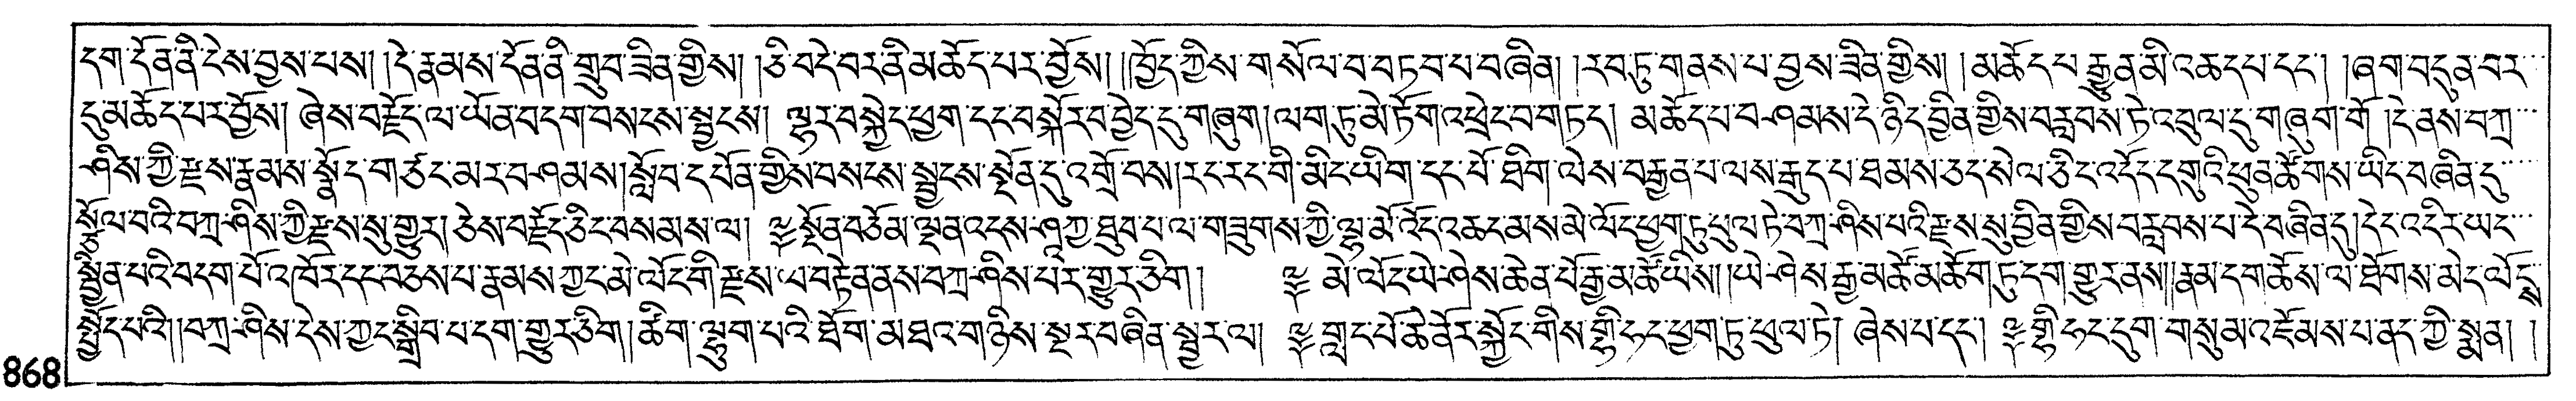དག་དོན་ནི་ངེས་བྱས་པས། །དེ་རྣམས་དོན་ནི་གྲུབ་ཟིན་གྱིས། །ཅི་བདེ་བར་ནི་མཆོད་པར་བྱོས། །ཁྱོད་ཀྱིས་གསོལ་བ་བཏབ་པ་བཞིན། །རབ་ཏུ་གནས་པ་བྱས་ཟིན་གྱིས། །མཆོད་པ་རྒྱུན་མི་འཆད་པ་དང་། །ཞག་བདུན་བར་
དུ་མཆོད་པར་བྱོས། ཞེས་བརྗོད་ལ་ཡོན་བདག་བསངས་སྦྱངས། ལྷར་བསྐྱེད་ཕྱག་དང་བསྐོར་བ་བྱེད་དུ་གཞུག །ལག་ཏུ་མེ་ཏོག་འཕྲེང་བ་གཏད། མཆོད་པ་བཤམས་དེ་ཉིད་བྱིན་གྱིས་བརླབས་ཏེ་འབུལ་དུ་གཞུག་གོ །དེ་ནས་བཀྲ་
ཤིས་ཀྱི་རྫས་རྣམས་སྣོད་གཙང་མར་བཤམས། སློབ་དཔོན་གྱིས་བསངས་སྦྱངས་སྔོན་དུ་འགྲོ་བས། རང་རང་གི་མིང་ཡིག་དང་པོ་ཐིག་ལེས་བརྒྱན་པ་ལས་རྒུད་པ་ཐམས་ཅད་སེལ་ཅིང་འདོད་དགུའི་ཕུན་ཚོགས་ཡིད་བཞིན་དུ་
སྩོལ་བའི་བཀྲ་ཤིས་ཀྱི་རྫས་སུ་གྱུར། ཅེས་བརྗོད་ཅིང་བསམས་ལ། ༈ སྔོན་བཅོམ་ལྡན་འདས་ཤཱཀྱ་ཐུབ་པ་ལ་གཟུགས་ཀྱི་ལྷ་མོ་འོད་འཆང་མས་མེ་ལོང་ཕྱག་ཏུ་ཕུལ་ཏེ་བཀྲ་ཤིས་པའི་རྫས་སུ་བྱིན་གྱིས་བརླབས་པ་དེ་བཞིན་དུ། དེང་འདིར་ཡང་
སྦྱིན་པའི་བདག་པོ་འཁོར་དང་བཅས་པ་རྣམས་ཀྱང་མེ་ལོང་གི་རྫས་ལ་བརྟེན་ནས་བཀྲ་ཤིས་པར་གྱུར་ཅིག །༈ མེ་ལོང་ཡེ་ཤེས་ཆེན་པོ་རྒྱ་མཚོ་ཡིས། །ཡེ་ཤེས་རྒྱ་མཚོ་མཆོག་ཏུ་དག་གྱུར་ནས། །རྣམ་དག་ཆོས་ལ་ཐོགས་མེད་ལོངས་
སྤྱོད་པའི། །བཀྲ་ཤིས་དེས་ཀྱང་སྒྲིབ་པ་དག་གྱུར་ཅིག །ཚིག་ལྷུག་པའི་ཐོག་མཐའ་གཉིས་སྔར་བཞིན་སྦྱར་ལ། ༈ གླང་པོ་ཆེ་ནོར་སྐྱོང་གིས་གྷི་ཧང་ཕྱག་ཏུ་ཕུལ་ཏེ། ཞེས་པ་དང་། ༈ གྷི་ཧང་དུག་གསུམ་འཇོམས་པ་ནད་ཀྱི་སྨན། །